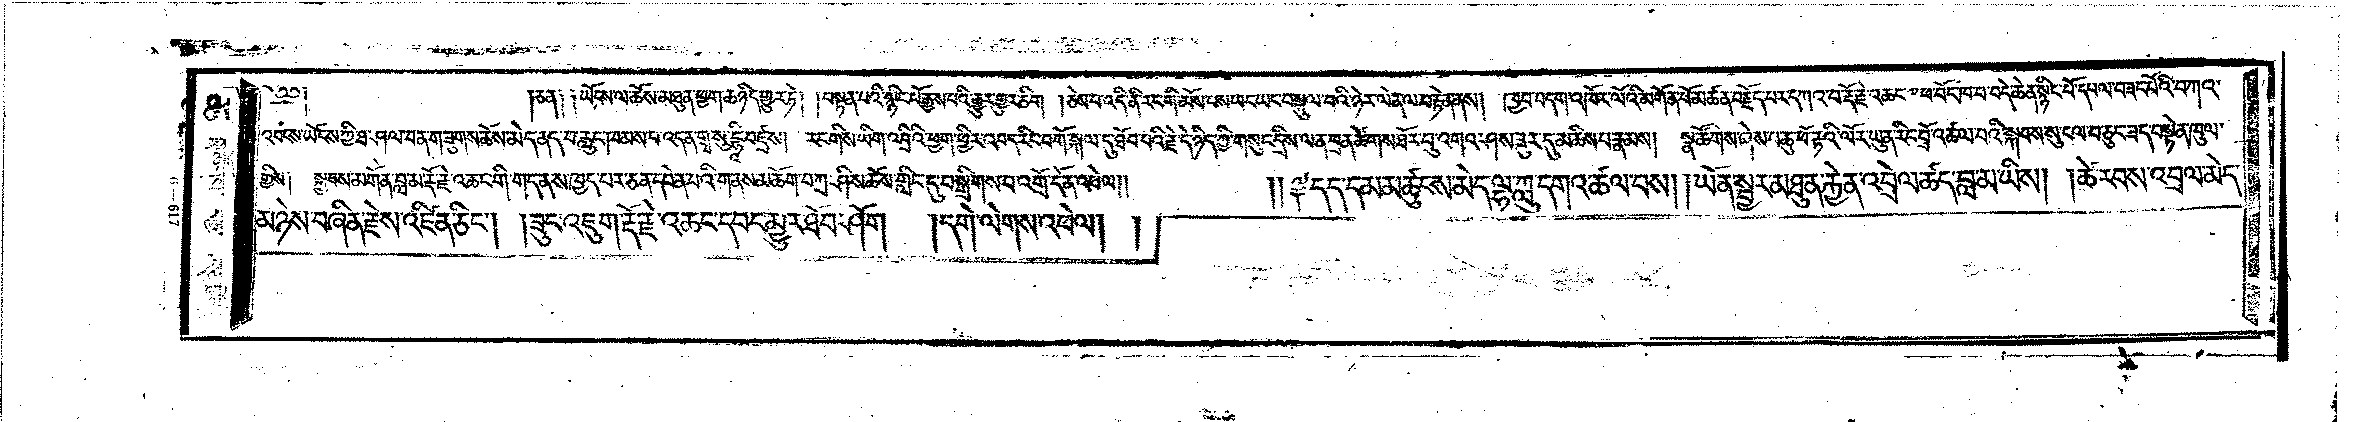༄༅། །ཅན༑ ༑ཡོངས་ལ་ཆོས་མཐུན་ཕྱག་ཆ་ཉིད་གྱུར་ཏེ། །བསྟན་པའི་སྙིང་པོ་རྒྱས་པའི་རྒྱུར་གྱུར་ཅིག །ཅེས་པ་འདི་ནི་རང་གི་མོས་པས་ཡང་ཡང་བསྐུལ་བའི་ཉེར་ལེན་ལ་བརྟེན་ནས། ཁྱབ་བདག་འཁོར་ལོའི་མགོན་པོ་མཚན་བརྗོད་པར་དཀའ་བ་རྡོ་རྗེ་འཆང ༧ཕ་བོང་ཁ་བ་བདེ་ཆེན་སྙིང་པོ་དཔལ་བཟང་པོའི་བཀའ་
འབངས་ཡོངས་ཀྱི་ཐ་ཤལ་བན་གཟུགས་ཆོས་མེད་ནད་བ་རླུང་ཁམས་པ་འདན་གྲྭ་སུདྷཱི་བཛྲ། རང་གིས་ཡིག་འབྲིའི་ཕྱག་ཕྱིར་འབད་རིང་བགོ་སྐལ་དུ་ཐོབ་པའི་རྗེ་དེ་ཉིད་ཀྱི་གསུང་དྲིས་ལན་ཕྲན་ཚེགས་ཐོར་བུ་འགའ་ཤས་ཟུར་དུ་མཆིས་པ་རྣམས། སྣ་ཚོགས་ཞེས་པ་ཆུ་ཕོ་རྟའི་ལོར་ཡུན་རིང་བྲོ་འཚལ་བའི་སྐབས་སུ་ངལ་བ་ཅུང་ཟད་བསྟེན་ཁུལ་
གྱིས༑ སྐྱབས་མགོན་བླ་མ་རྡོ་རྗེ་འཆང་གི་གད་ནས་ཁྱད་པར་ཅན་དབེན་པའི་གནས་མཆོག་བཀྲ་ཤིས་ཆོས་གླིང་དུ་བསྒྲིགས་པ་འགྲོ་དོན་འཕེལ།། །།༈ དད་དམ་མཚུངས་མེད་ལྷ་ཀླུ་དགའ་ཚལ་བས། །ཡོན་སྦྱར་མཐུན་རྐྱེན་འབྲེལ་ཚད་བླ་མ་ཡིས། །ཚེ་རབས་འབྲལ་མེད་
མཉེས་བཞིན་རྗེས་འཛིན་ཅིང་། །ཟུང་འཇུག་རྡོ་རྗེ་འཆང་དབང་མྱུར་ཐོབ་ཤོག །དགེ་ལེགས་འཕེལ། །